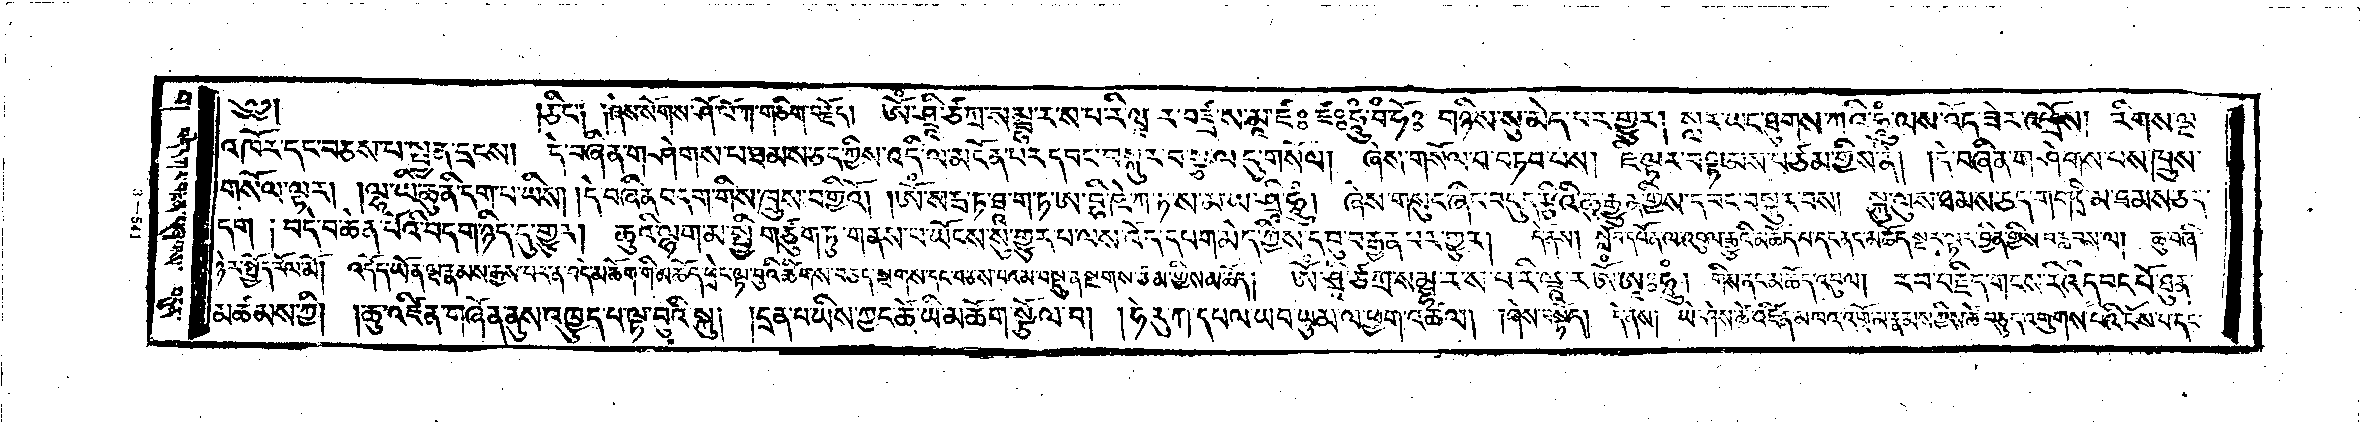༄༅། །ཅིང༑ ༑ཞེས་སོགས་ཤོ་ལོ་ཀ་གཅིག་བརྗོད།  ཨོཾ་ཤྲཱི་ཙཀྲ་སམྦྷ་ར་ས་པ་རི་ཝཱ་ར་བཛྲ་ས་མཱ་ཛཿཛཿཧཱུཾ་བཾ་ཧོཿ གཉིས་སུ་མེད་པར་གྱུར། སླར་ཡང་ཐུགས་ཀའི་ཧཱུཾ་ལས་འོད་ཟེར་འཕྲོས། རིགས་ལྔ་
འཁོར་དང་བཅས་པ་སྤྱན་དྲངས། དེ་བཞིན་གཤེགས་པ་ཐམས་ཅད་ཀྱིས་འདི་ལ་མངོན་པར་དབང་བསྐུར་བ་སྩལ་དུ་གསོལ། ཞེས་གསོལ་བ་བཏབ་པས། ཇི་ལྟར་བལྟམས་པ་ཙམ་གྱིས་ནི། །དེ་བཞིན་གཤེགས་པས་ཁྲུས་
གསོལ་ལྟར། །ལྷ་ཡི་ཆུ་ནི་དག་པ་ཡིས། །དེ་བཞིན་བདག་གིས་ཁྲུས་བགྱིའོ། །ཨོཾ་སརྦ་ཏ་ཐཱ་ག་ཏ་ཨ་བྷི་ཥེ་ཀ་ཏ་ས་མ་ཡ་ཤྲཱི་ཧཱུཾ། ཞེས་གསུང་ཞིང་བདུད་རྩིའི་ཆུ་རྒྱུན་གྱིས་དབང་བསྐུར་བས། སྐུ་ལུས་ཐམས་ཅད་གང་། དྲི་མ་ཐམས་ཅད་
དག ༑བདེ་བ་ཆེན་པོའི་བདག་ཉིད་དུ་གྱུར། ཆུའི་ལྷག་མ་སྤྱི་གཙུག་ཏུ་གནས་པ་ཡོངས་སུ་གྱུར་པ་ལས་འོད་དཔག་མེད་ཀྱིས་དབུ་བརྒྱན་པར་གྱུར། དེ་ནས། སློབ་དཔོན་ལ་འབུལ་རྒྱུའི་མཆོད་པ་དང་ནང་མཆོད་སྔར་ལྟར་བྱིན་གྱིས་བརླབས་ལ། ཆུ་བཞི་
ཉེར་སྤྱོད་རོལ་མོ། འདོད་ཡོན་ལྔ་རྣམས་རྒྱས་པར་ན་བདེ་མཆོག་གི་མཆོད་ཕྲེང་ལྟ་བུའི་ཚིགས་བཅད་སྔགས་དང་བཅས་པའམ་བསྡུ་ན་སྔགས་ཙམ་གྱིས་མཆོད། ཨོཾ་ཤྲཱི་ཙཀྲ་སམྦྷ་ར་ས་པ་རི་ཝཱ་ར་ཨོཾ་ཨཱཿཧཱུཾ། གིས་ནང་མཆོད་འབུལ།  རབ་བརྗིད་གངས་རིའི་དབང་པོ་ཐུན་
མཚམས་ཀྱི། །ཆུ་འཛིན་གཞོན་ནུས་འཁྱུད་པ་ལྟ་བུའི་སྐུ། །དྲན་པ་ཡིས་ཀྱང་ཚེ་ཡི་མཆོག་སྩོལ་བ། །ཧེ་རུ་ཀ་དཔལ་ཡབ་ཡུམ་ལ་ཕྱག་འཚལ། །ཞེས་བསྟོད། དེ་ནས། ཡེ་ཤེས་ཚེ་འཛིན་མཁའ་འགྲོ་མ་རྣམས་ཀྱིས་ཚེ་བཅུད་འགུགས་པའི་ངོས་པ་དང་